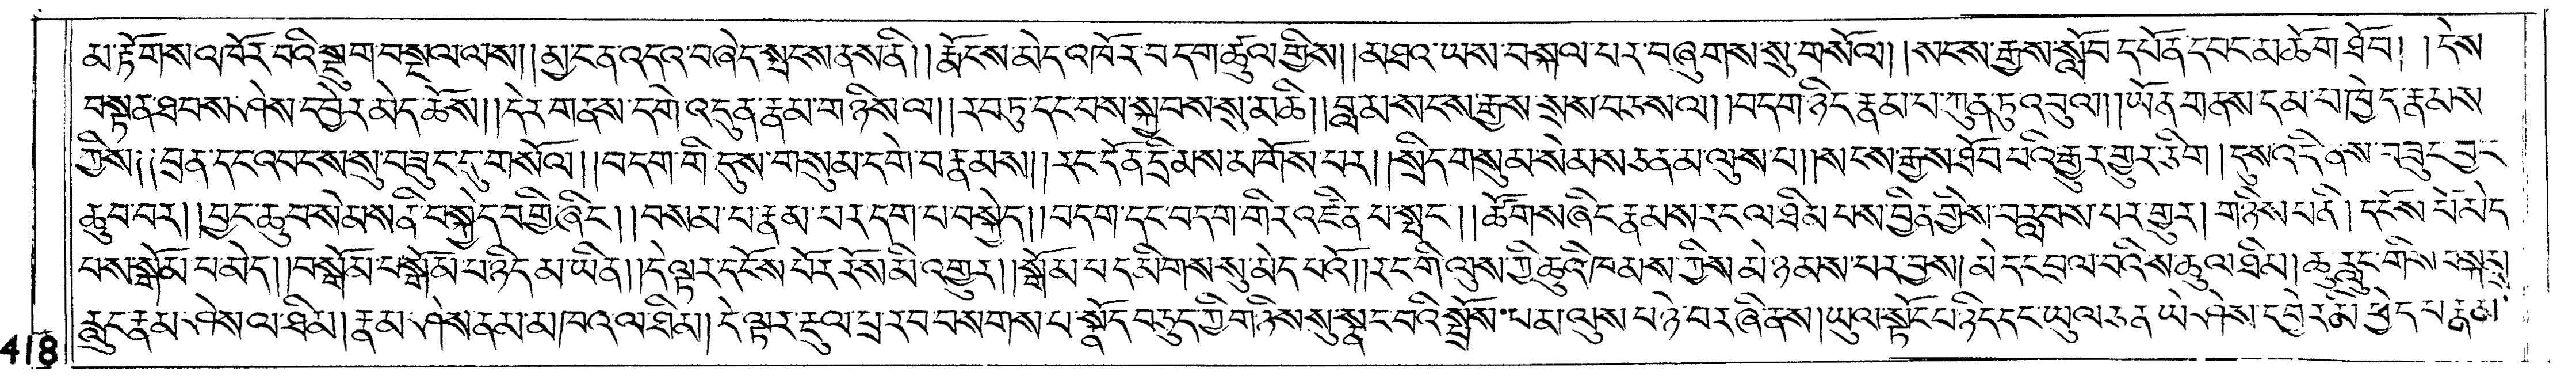མ་རྟོགས་འཁོར་བའི་སྡུག་བསྔལ་ལས། །མྱ་ངན་འདའ་བཞེད་སྤངས་ནས་ནི། །རྨོངས་མེད་འཁོར་བ་དག་ཚུལ་གྱིས། །མཐའ་ཡས་བསྐལ་པར་བཞུགས་སུ་གསོལ། །སངས་རྒྱས་སློབ་དཔོན་དབང་མཆོག་ཐོབ། །དེས་
བསྟན་ཐབས་ཤེས་དབྱེར་མེད་ཆོས། །དེར་གནས་དགེ་འདུན་རྣམ་གཉིས་ལ། །རབ་ཏུ་དང་བས་སྐྱབས་སུ་མཆི། །བླ་མ་སངས་རྒྱས་སྲས་བཅས་ལ། །བདག་ཉིད་རྣམ་པ་ཀུན་ཏུ་འབུལ། །ཡོན་གནས་དམ་པ་ཁྱེད་རྣམས་
ཀྱིས༑ ༑བྲན་དང་འབངས་སུ་བཟུང་དུ་གསོལ། །བདག་གི་དུས་གསུམ་དགེ་བ་རྣམས། །རང་དོན་དྲི་མས་མ་གོས་པར། །སྲིད་གསུམ་སེམས་ཅན་མ་ལུས་པ། །སངས་རྒྱས་ཐོབ་པའི་རྒྱུར་གྱུར་ཅིག །དུས་འདི་ནས་བཟུང་བྱང་
ཆུབ་བར། །བྱང་ཆུབ་སེམས་ནི་བསྐྱེད་བགྱི་ཞིང་། །བསམ་པ་རྣམ་པར་དག་པ་བསྐྱེད། །བདག་དང་བདག་གིར་འཛིན་པ་སྤང་། །ཚོགས་ཞིང་རྣམས་རང་ལ་ཐིམ་པས་བྱིན་གྱིས་བརླབས་པར་གྱུར། གཉིས་པ་ནི། དངོས་པོ་མེད་
པས་སྒོམ་པ་མེད། །བསྒོམ་པ་སྒོམ་པ་ཉིད་མ་ཡིན། །དེ་ལྟར་དངོས་པོར་རོས་མི་འགྱུར། །སྒོམ་པ་དམིགས་སུ་མེད་པའོ། །རང་གི་ལུས་ཀྱི་ཆུའི་ཁམས་ཀྱིས་མེ་ཉམས་པར་བྱས། མེ་དང་བྲལ་བའི་ས་ཆུ་ལ་ཐིམ། ཆུ་རླུང་གིས་བསྐམས་
རླུང་རྣམ་ཤེས་ལ་ཐིམ། རྣམ་ཤེས་ནམ་མཁའ་ལ་ཐིམ། དེ་ལྟར་རྡུལ་ཕྲ་རབ་བསགས་པ་སྣོད་བཅུད་ཀྱི་གཉིས་སུ་སྣང་བའི་སྤྲོས་པ་མ་ལུས་པ་ཉེ་བར་ཞི་ནས། ཡུལ་སྟོང་པ་ཉིད་དང་ཡུལ་ཅན་ཡེ་ཤེས་དབྱེར་མི་ཕྱེད་པ་རྣམ་